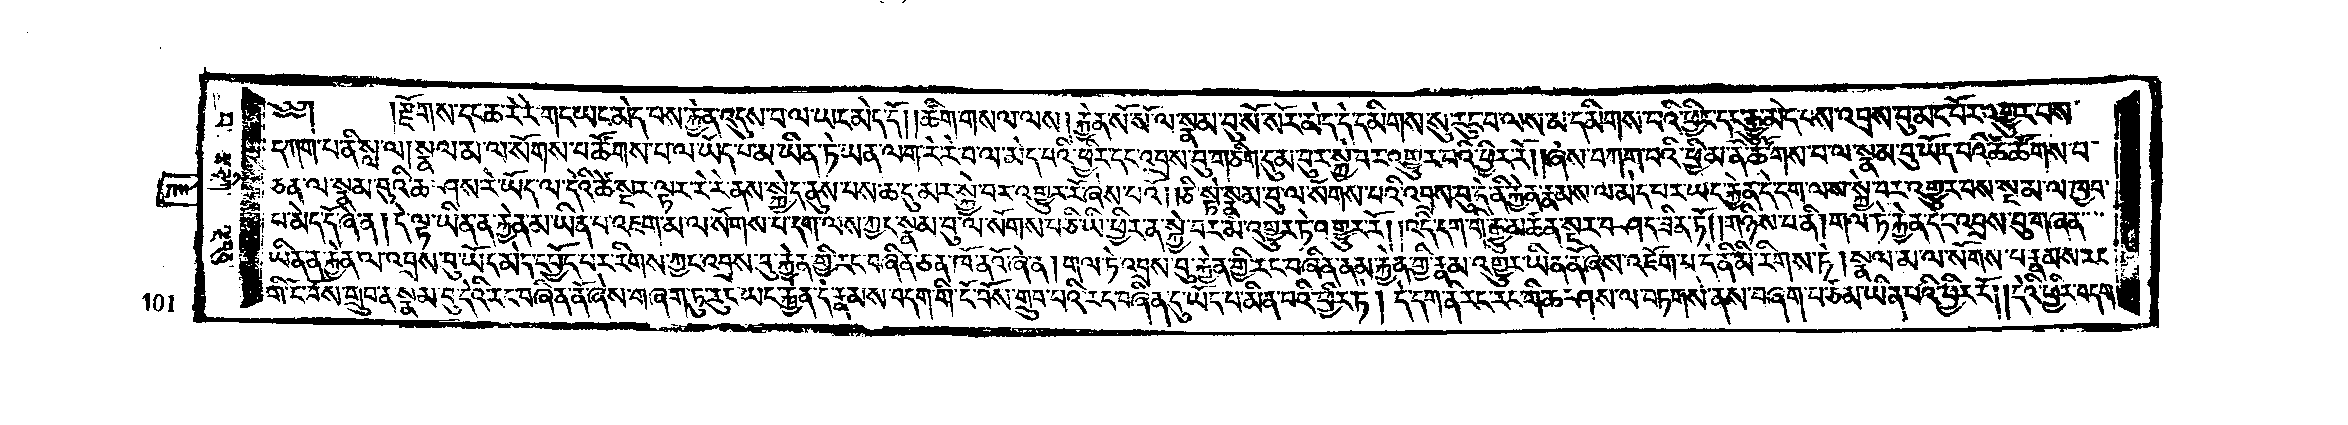༄༅། །རྫོགས་དང་ཆ་རེ་རེ་གང་ཡང་མེད་པས་རྐྱེན་འདུས་པ་ལ་ཡང་མེད་དོ། །ཚིག་གསལ་ལས། རྐྱེན་སོ་སོ་ལ་སྣམ་བུ་སོ་སོར་མེད་དེ་དམིགས་སུ་རུང་བ་ལས་མ་དམིགས་པའི་ཕྱིར་དང་རྒྱུ་མང་བས་འབྲས་བུ་མང་པོར་འགྱུར་བས་
བཀག་པ་ནི་སླ་ལ། སྣལ་མ་ལ་སོགས་པ་ཚོགས་པ་ལ་ཡོད་པ་མ་ཡིན་ཏེ་ཡན་ལག་རེ་རེ་བ་ལ་མེད་པའི་ཕྱིར་དང་འབྲས་བུ་གཅིག་དུམ་བུར་སྐྱེ་བར་འགྱུར་བའི་ཕྱིར་རོ། །ཞེས་བཀག་པའི་ཕྱི་མ་ནི་ཚོགས་བ་ལ་སྣམ་བུ་ཡོད་པའི་ཚེ་ཚོགས་པ་
ཅན་ལ་སྣམ་བུའི་ཆ་ཤས་རེ་ཡོད་ལ་དེའི་ཚེ་སྔར་ལྟར་རེ་རེ་ནས་སྐྱེད་ནུས་པས་ཆ་དུ་མར་སྐྱེ་བར་འགྱུར་རོ་ཞེས་པའོ། །ཅི་སྟེ་སྣམ་བུ་ལ་སོགས་པའི་འབྲས་བུ་དེ་ནི་རྐྱེན་རྣམས་ལ་མེད་པར་ཡང་རྐྱེན་དེ་དག་ལས་སྐྱེ་བར་འགྱུར་བས་སྔ་མ་ལ་ཁྱབ་
པ་མེད་དོ་ཞེ་ན། དེ་ལྟ་ཡིན་ན་རྐྱེན་མ་ཡིན་པ་འཇིག་མ་ལ་སོགས་པ་དག་ལས་ཀྱང་སྣམ་བུ་ལ་སོགས་པ་ཅི་ཡི་ཕྱིར་ན་སྐྱེ་བར་མི་འགྱུར་ཏེ་འགྱུར་རོ། །འདི་དག་གི་རྒྱུ་མཚན་སྔར་བཤད་ཟིན་ཏོ། །གཉིས་པ་ནི། གལ་ཏེ་རྐྱེན་དང་འབྲས་བུ་གཞན་
ཡིན་ན་རྐྱེན་ལ་འབྲས་བུ་ཡོད་མེད་དཔྱོད་པར་རིགས་ཀྱང་འབྲས་བུ་རྐྱེན་གྱི་རང་བཞིན་ཅན་ཁོ་ནའོ་ཞེ་ན། གལ་ཏེ་འབྲས་བུ་རྐྱེན་གྱི་རང་བཞིན་རྣམ་རྐྱེན་གྱི་རྣམ་འགྱུར་ཡིན་ནོ་ཞེས་འཇོག་ན་དེ་ནི་མི་རིགས་ཏེ། སྣལ་མ་ལ་སོགས་པ་རྣམས་རང་
གི་ངོ་བོས་གྲུབ་ན་སྣམ་བུ་དེའི་རང་བཞིན་ནོ་ཞེས་གཞག་ཏུ་རུང་ཡང་རྐྱེན་དེ་རྣམས་བདག་གི་ངོ་བོས་གྲུབ་པའི་རང་བཞིན་དུ་ཡོད་པ་མིན་པའི་ཕྱིར་ཏེ། དེ་དག་ནི་རང་རང་གི་ཆ་ཤས་ལ་བཏགས་ནས་བཞག་པ་ཙམ་ཡིན་པའི་ཕྱིར་རོ། །དེའི་ཕྱིར་བདག་